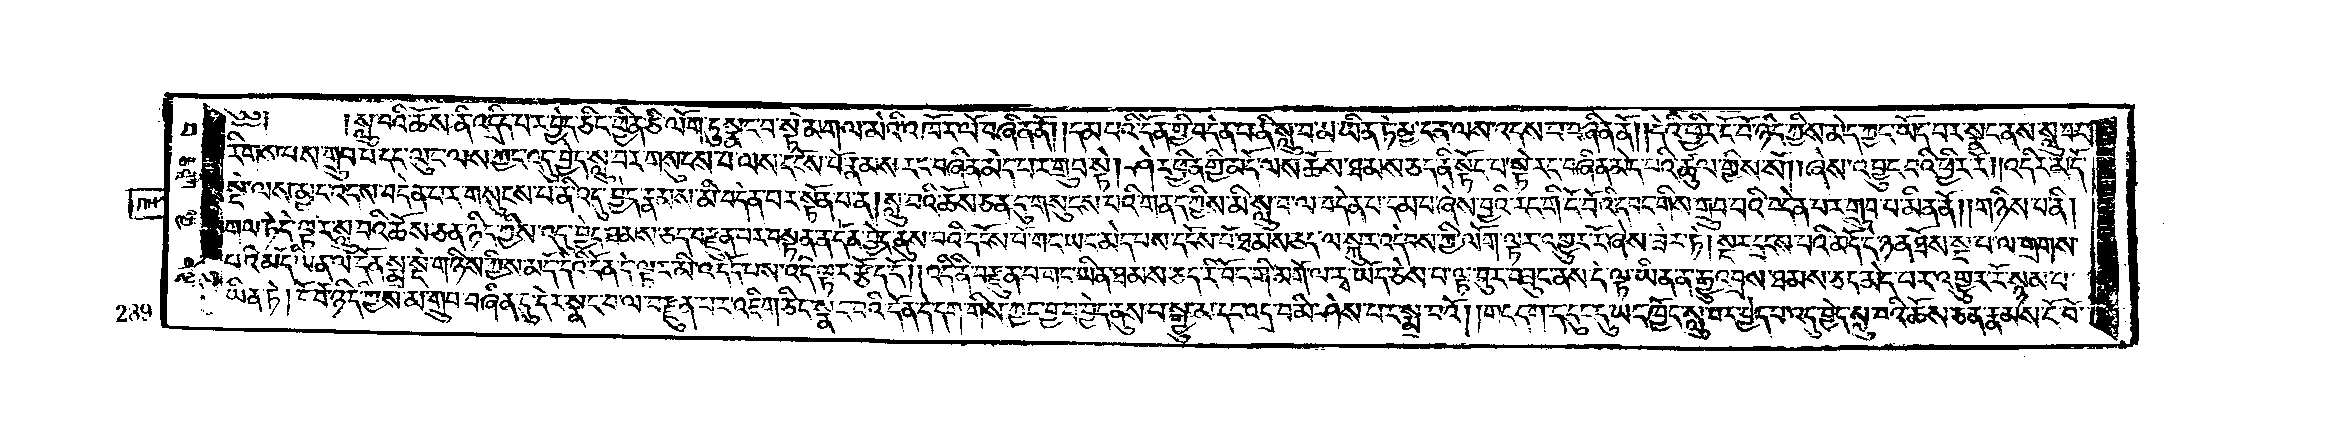༄༅། །སླུ་བའི་ཆོས་ནི་འདྲིད་པར་བྱེད་ཅིང་ཕྱིན་ཅི་ལོག་ཏུ་སྣང་བ་སྟེ་མགལ་མེའི་འཁོར་ལོ་བཞིན་ནོ། །དམ་པའི་དོན་གྱི་བདེན་པ་ནི་སླུ་བ་མ་ཡིན་ཏེ་མྱང་ན་ལས་འདས་པ་བཞིན་ནོ། །དེའི་ཕྱིར་ངོ་བོ་ཉིད་ཀྱིས་མེད་ཀྱང་ཡོད་པར་སྣང་ནས་སླུ་བར་
རིགས་པས་གྲུབ་པ་དང་ལུང་ལས་ཀྱང་འདུ་བྱེད་སླུ་བར་གསུངས་པ་ལས་དངོས་པོ་རྣམས་རང་བཞིན་མེད་པར་གྲུབ་སྟེ། ཤེར་ཕྱིན་གྱི་མདོ་ལས་ཆོས་ཐམས་ཅད་ནི་སྟོང་པ་སྟེ་རང་བཞིན་མེད་པའི་ཆུལ་གྱིས་སོ། །ཞེས་འབྱུང་བའོ་ཕྱིར་རོ། །འདིར་མདོ་
སྡེ་ལས་མྱང་འདས་བདེན་པར་གསུངས་པ་ནི་འདུ་བྱེད་རྣམས་མི་བདེན་པར་སྟོན་པ་ན། སླུ་བའི་ཆོས་ཅན་དུ་གསུངས་པའི་གནད་ཀྱིས་མི་སླུ་བ་ལ་བདེན་པ་དམ་པ་ཞེས་བྱའི་རང་གི་ངོ་བོའི་དབང་གིས་གྲུབ་པའི་བདེན་པར་གྲུབ་པ་མིན་ནོ། །གཉིས་པ་ནི།
གལ་ཏེ་དེ་ལྟར་སླུ་བའི་ཆོས་ཅན་ཉིད་ཀྱིས་འདུ་བྱེད་ཐམས་ཅད་བརྫུན་པར་བསྟན་ན་དོན་བྱེད་ནུས་པའི་དངོས་པོ་གང་ཡང་མེད་པས་དངོས་པོ་ཐམས་ཅད་ལ་སྐུར་འདེབས་ཀྱི་ལོག་ལྟར་འགྱུར་རོ་ཞེས་ཟེར་ཏེ། སྔར་དྲངས་པའི་མདོ་དེ་ཉན་ཐོས་སྔ་པ་ལ་གྲགས་
པའི་མདོ་ཡིན་ལ་དོན་སྨྲ་སྟེ་གཉིས་ཀྱིས་མདོ་དེའི་དོན་དེ་ལྟར་མི་འདོད་པས་འདི་ལྟར་རྩོད་དོ། །འདི་ནི་བརྫུན་པ་གང་ཡིན་ཐམས་ཅད་རི་བོང་གི་མགོ་ལ་རྭ་ཡོད་ཅེས་པ་ལྟ་བུར་བཟུང་ནས་དེ་ལྟ་ཡིན་ན་རྒྱུ་འབྲེས་ཐམས་ཅད་མེད་པར་འགྱུར་རོ་སྙམ་པ་
ཡིན་ཏེ། ངོ་བོ་ཉིད་ཀྱིས་མ་གྲུབ་བཞིན་དུ་དེར་སྣང་བ་ལ་བརྫུན་པར་འཇག་ཅིང་སྣང་བའི་དོན་དེ་དག་གིས་ཀྱང་བྱ་བ་བྱད་ནུས་པ་སྒྱུ་མ་དང་འདྲ་བ་མི་ཤེས་པར་སྨྲ་བའོ། །གང་དག་ད་དུང་དུ་ཡང་ཁྱོད་སླུ་བར་བྱེད་པ་འདུ་བྱད་སླུ་བའི་ཆོས་ཅན་རྣམས་ངོ་བོ་